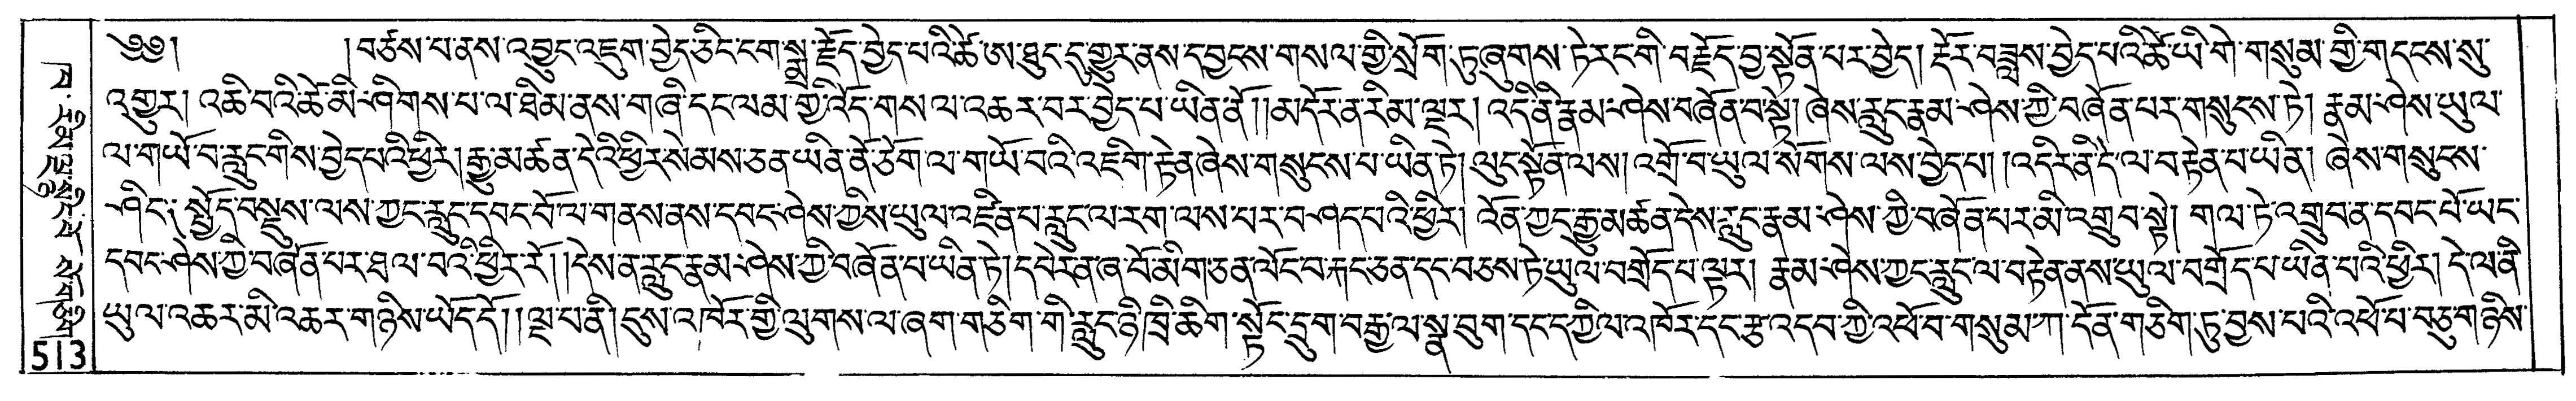༄༅། །བཙས་པ་ནས་འབྱུང་འཇུག་བྱེད་ཅིང་ངག་སྨྲ་རྗོད་བྱེད་པའི་ཚེ་ཨ་ཐུང་དུ་གྱུར་ནས་དབྱངས་གསལ་གྱི་སྲོག་ཏུ་ཞུགས་ཏེ་རང་གི་བརྗོད་བྱ་སྟོན་པར་བྱེད། རྡོར་བཟླས་བྱེད་པའི་ཚེ་ཡི་གེ་གསུམ་གྱི་གདངས་སུ་
འགྱུར། འཆི་བའི་ཚེ་མི་ཤིགས་པ་ལ་ཐིམ་ནས་གཞི་དང་ལམ་གྱི་འོད་གསལ་འཆར་བར་བྱེད་པ་ཡིན་ནོ། །མདོར་ན་རིམ་ལྔར། འདི་ནི་རྣམ་ཤེས་བཞོན་བ་སྟེ། ཞེས་རླུང་རྣམ་ཤེས་ཀྱི་བཞོན་པར་གསུངས་ཏེ། རྣམ་ཤེས་ཡུལ་
ལ་གཡོ་བ་རླུང་གིས་བྱེད་པའི་ཕྱིར། རྒྱུ་མཚན་དེའི་ཕྱིར་སེམས་ཅན་ཡིན་ནོ་ཅོག་ལ་གཡོ་བའི་འཇིག་རྟེན་ཞེས་གསུངས་པ་ཡིན་ཏེ། ལུང་སྟོན་ལས། འགྲོ་བ་ཡུལ་སོགས་ལས་བྱེད་པ། །འདིར་ནི་དེ་ལ་བརྟེན་པ་ཡིན། ཞེས་གསུངས་
ཤིང༑ སྤྱོད་བསྡུས་ལས་ཀྱང་རླུང་དབང་པོ་ལ་གནས་ནས་དབང་ཤེས་ཀྱིས་ཡུལ་འཛིན་པ་རླུང་ལ་རག་ལས་པར་བཤད་པའི་ཕྱིར། འོན་ཀྱང་རྒྱུ་མཚན་དེས་རླུང་རྣམ་ཤེས་ཀྱི་བཞོན་པར་མི་འགྲུབ་སྟེ། གལ་ཏེ་འགྲུབ་ན་དབང་པོ་ཡང་
དབང་ཤེས་ཀྱི་བཞོན་པར་ཐལ་བའི་ཕྱིར་རོ། །དེས་ན་རླུང་རྣམ་ཤེས་ཀྱི་བཞོན་པ་ཡིན་ཏེ། དཔེར་ན་ཞ་བོ་མིག་ཅན་ལོང་བ་རྐང་ཅན་དང་བཅས་ཏེ་ཡུལ་བགྲོད་པ་ལྟར། རྣམ་ཤེས་ཀྱང་རླུང་ལ་བརྟེན་ནས་ཡུལ་བགྲོད་པ་ཡིན་པའི་ཕྱིར། དེ་ལ་ནི་
ཡུལ་འཆར་མི་འཆར་གཉིས་ཡོད་དོ། །ལྔ་པ་ནི། དུས་འཁོར་གྱི་ལུགས་ལ་ཞག་གཅིག་གི་རླུང་ཉི་ཁྲི་ཆིག་སྟོང་དྲུག་བརྒྱ་ལ་སྣ་བུག་དང་དཀྱིལ་འཁོར་དང་རྩ་འདབ་ཀྱི་འཕོ་བ་གསུམ་ཀ་དོན་གཅིག་ཏུ་བྱས་པའི་འཕོ་པ་བཅུ་གཉིས་